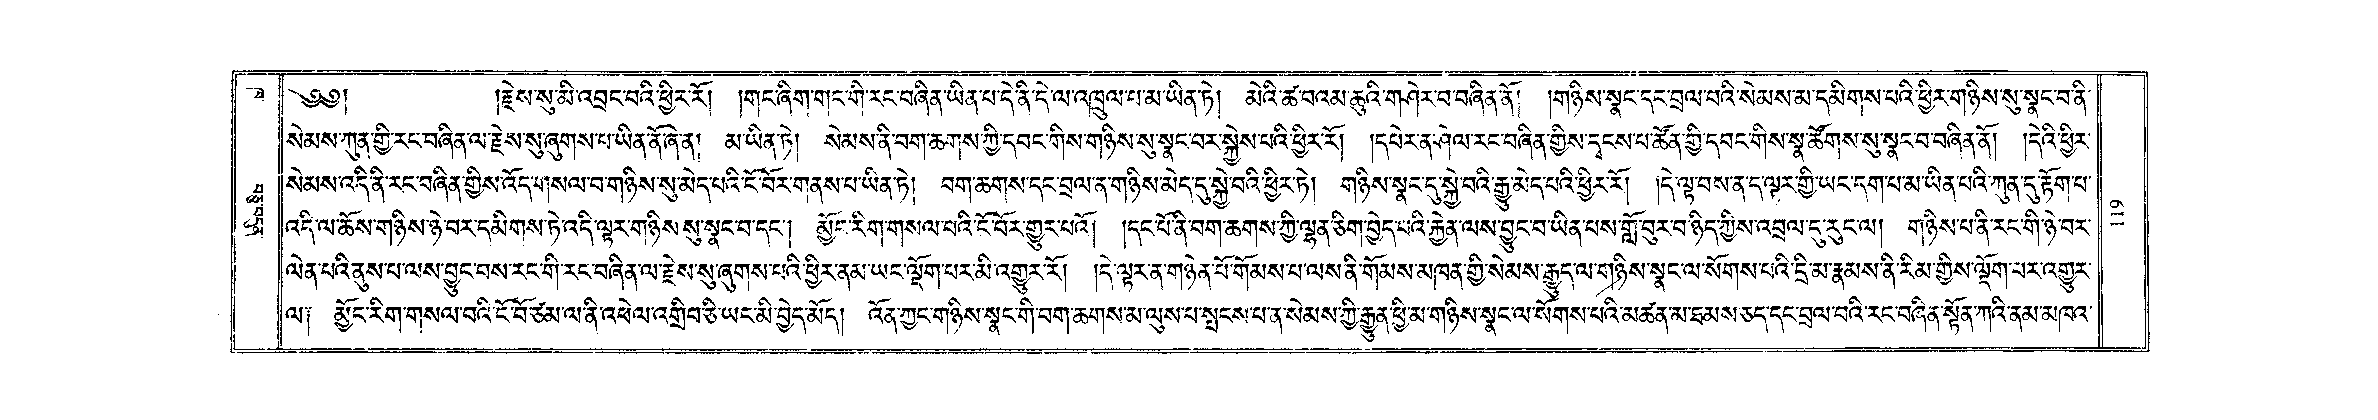༄༅། །རྗེས་སུ་མི་འབྲང་བའི་ཕྱིར་རོ། །གང་ཞིག་གང་གི་རང་བཞིན་ཡིན་པ་དེ་ནི་དེ་ལ་འཁྲུལ་པ་མ་ཡིན་ཏེ། མེའི་ཚ་བའམ་ཆུའི་གཤེར་བ་བཞིན་ནོ། །གཉིས་སྣང་དང་བྲལ་བའི་སེམས་མ་དམིགས་པའི་ཕྱིར་གཉིས་སུ་སྣང་བ་ནི་
སེམས་ཀུན་གྱི་རང་བཞིན་ལ་རྗེས་སུ་ཞུགས་པ་ཡིན་ནོ་ཞེ་ན། མ་ཡིན་ཏེ། སེམས་ནི་བག་ཆགས་ཀྱི་དབང་གིས་གཉིས་སུ་སྣང་བར་སྐྱེས་པའི་ཕྱིར་རོ། །དཔེར་ན་ཤེལ་རང་བཞིན་གྱིས་དྭངས་པ་ཚོན་གྱི་དབང་གིས་སྣ་ཚོགས་སུ་སྣང་བ་བཞིན་ནོ། །དེའི་ཕྱིར་
སེམས་འདི་ནི་རང་བཞིན་གྱིས་འོད་གསལ་བ་གཉིས་སུ་མེད་པའི་ངོ་བོར་གནས་པ་ཡིན་ཏེ། བག་ཆགས་དང་བྲལ་ན་གཉིས་མེད་དུ་སྐྱེ་བའི་ཕྱིར་ཏེ། གཉིས་སྣང་དུ་སྐྱེ་བའི་རྒྱུ་མེད་པའི་ཕྱིར་རོ། །དེ་ལྟ་བས་ན་ད་ལྟར་གྱི་ཡང་དག་པ་མ་ཡིན་པའི་ཀུན་དུ་རྟོག་པ་
འདི་ལ་ཆོས་གཉིས་ཉེ་བར་དམིགས་ཏེ་འདི་ལྟར་གཉིས་སུ་སྣང་བ་དང་། མྱོང་རིག་གསལ་བའི་ངོ་བོར་གྱུར་པའོ། །དང་པོ་ནི་བག་ཆགས་ཀྱི་ལྷན་ཅིག་བྱེད་པའི་རྐྱེན་ལས་བྱུང་བ་ཡིན་པས་གློ་བུར་བ་ཉིད་ཀྱིས་འབྲལ་དུ་རུང་ལ། གཉིས་པ་ནི་རང་གི་ཉེ་བར་
ལེན་པའི་ནུས་པ་ལས་བྱུང་བས་རང་གི་རང་བཞིན་ལ་རྗེས་སུ་ཞུགས་པའི་ཕྱིར་ནམ་ཡང་ལྡོག་པར་མི་འགྱུར་རོ། །དེ་ལྟར་ན་གཉེན་པོ་གོམས་པ་ལས་ནི་གོམས་མཁན་གྱི་སེམས་རྒྱུད་ལས་གཉིས་སྣང་ལ་སོགས་པའི་དྲི་མ་རྣམས་ནི་རིམ་གྱིས་ལྡོག་པར་འགྱུར་
ལ༑ མྱོང་རིག་གསལ་བའི་ངོ་བོ་ཙམ་ལ་ནི་འཕེལ་འགྲིབ་ཅི་ཡང་མི་བྱེད་མོད། འོན་ཀྱང་གཉིས་སྣང་གི་བག་ཆགས་མ་ལུས་པ་སྤངས་པ་ན་སེམས་ཀྱི་རྒྱུན་ཕྱི་མ་གཉིས་སྣང་ལ་སོགས་པའི་མཚན་མ་ཐམས་ཅད་དང་བྲལ་བའི་རང་བཞིན་སྟོན་ཀའི་ནམ་མཁའ་